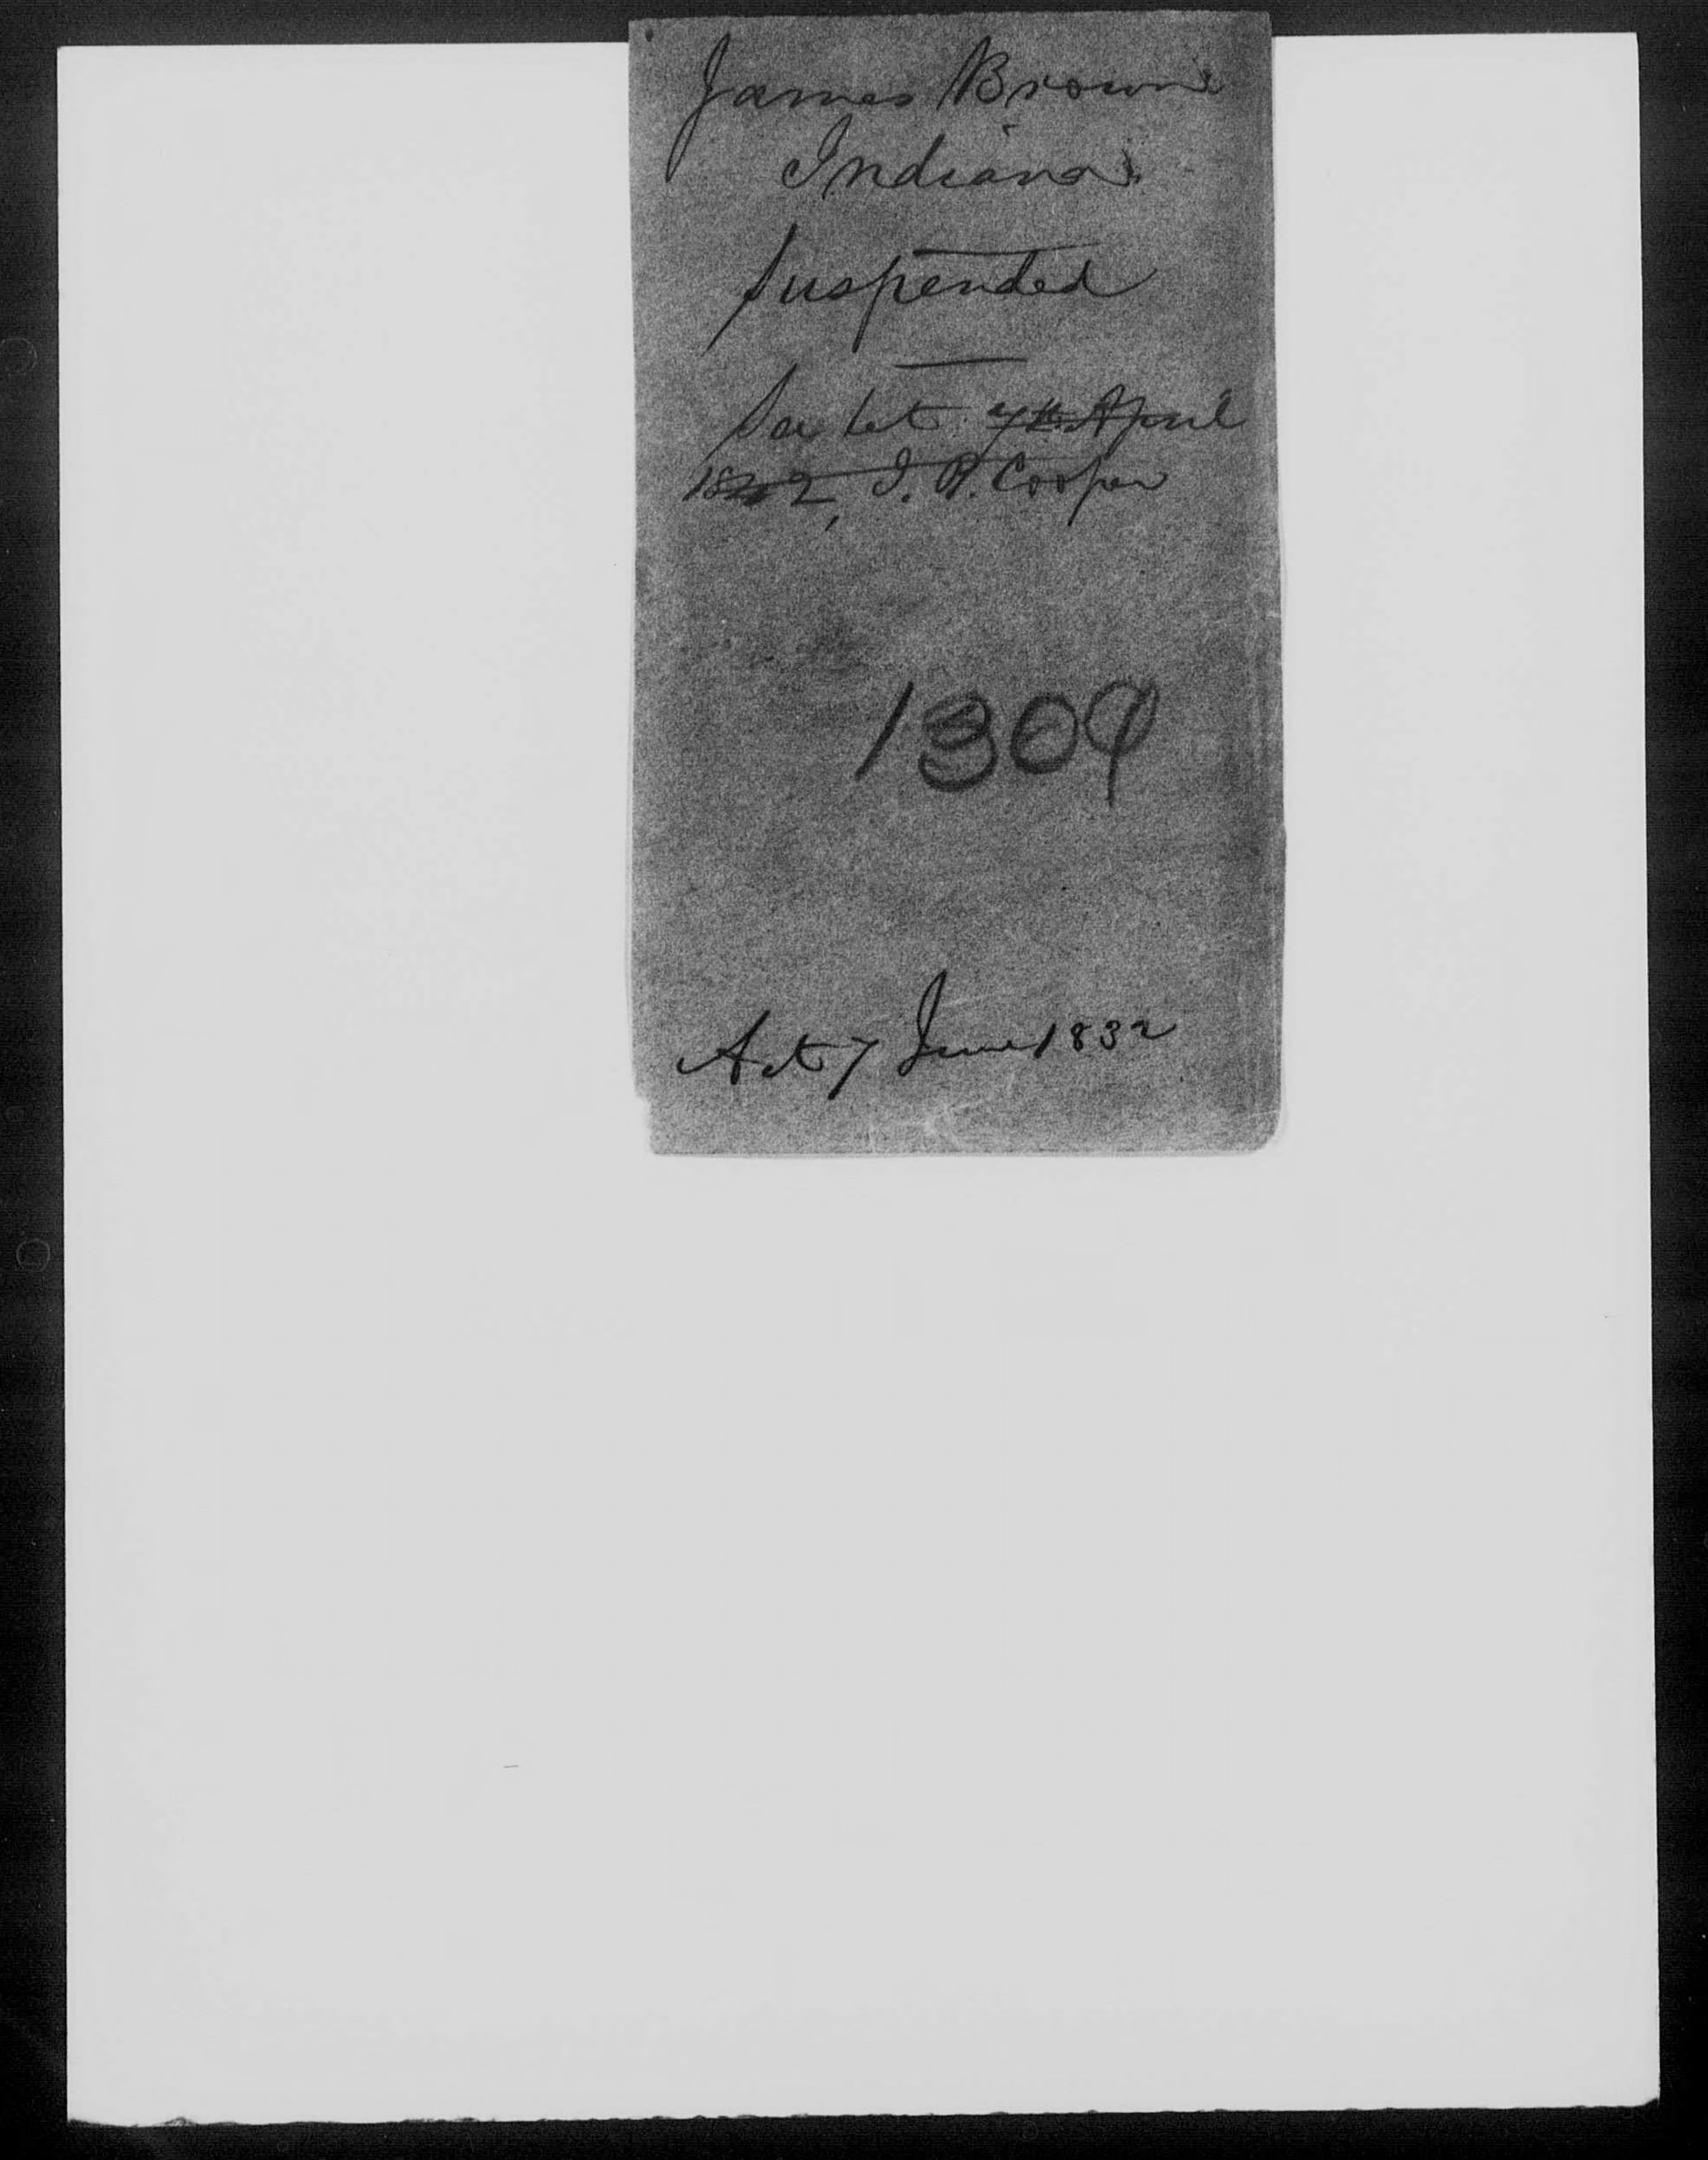James Brown Indiana suspended 
See let of April 1842 JR Cooper
1309
act of June 1832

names: James Brown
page: 29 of 41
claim: rejected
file: R. 1309, James Brown, S.C.